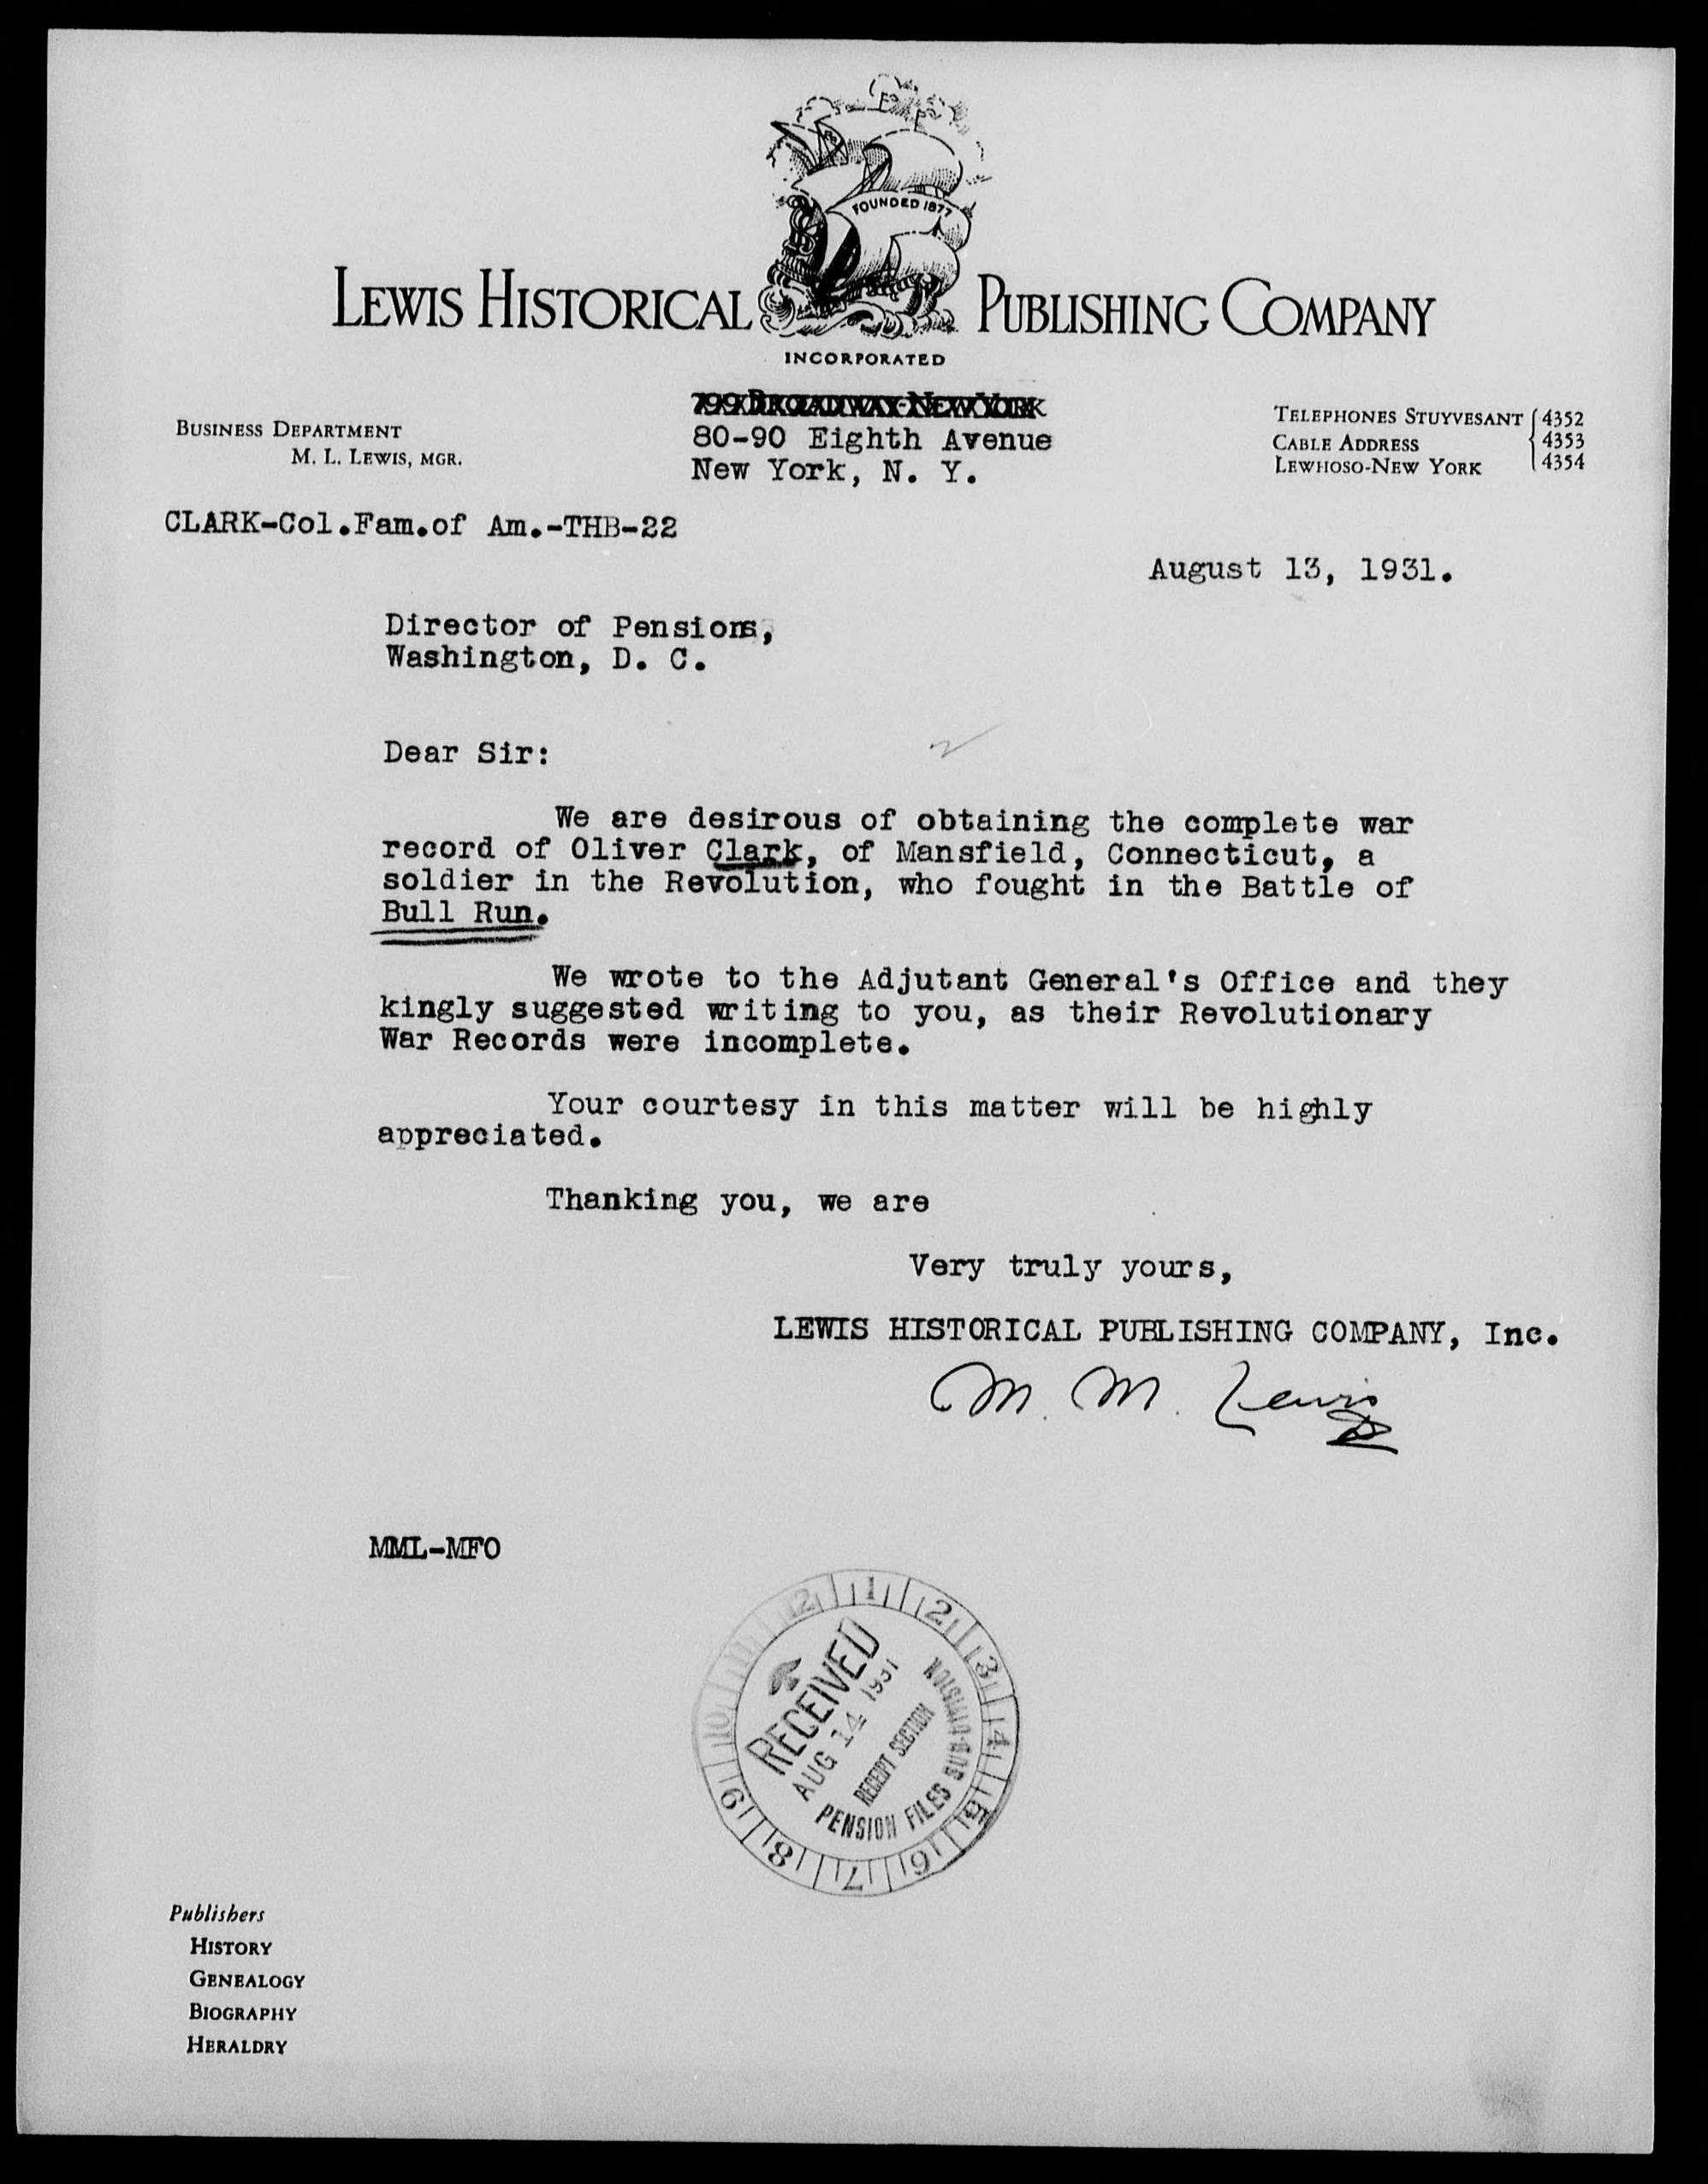[Letterhead]
Lewis Historical Publishing Company Incorporated
Founded 1877 
[image of a sailing ship]
Business Department
M.L. Lewis, Mgr.
Telephones Stuyvesant 4352
Cable  Address 4353
Lewhoso-New York 4354

80-90 Eighth Avenue
New York, N. Y.

[typed]
Clark-Col. Fam. of Am.-THB-22

August 13, 1931. 

Director of Pensions, 
Washington, D.C.

Dear Sir:

We are desirous of obtaining the complete war record of Oliver Clark, of Mansfield, Connecticut, a soldier in the Revolution, who fought in the Battle of Bull Run.

We wrote to the Adjutant General’s Office and they kingly suggested writing to you, as their Revolutionary War Records were incomplete. 

Your courtesy in this matter will be highly appreciated.

Thanking you, we are
Very truly yours,
Lewis Historical Publishing Company, Inc.
[signed] M. M. Lewis

MML-MFO

[stamp]
Received Aug 14 1931
Receipt Section
Pension Files Sub-Division

[printed]
Publishers
History
Genealogy 
Biography 
Heraldry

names: Oliver Clark, M M Lewis, M L Lewis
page: 29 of 51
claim: widow's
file: W. 23816, Oliver Clark, Conn.